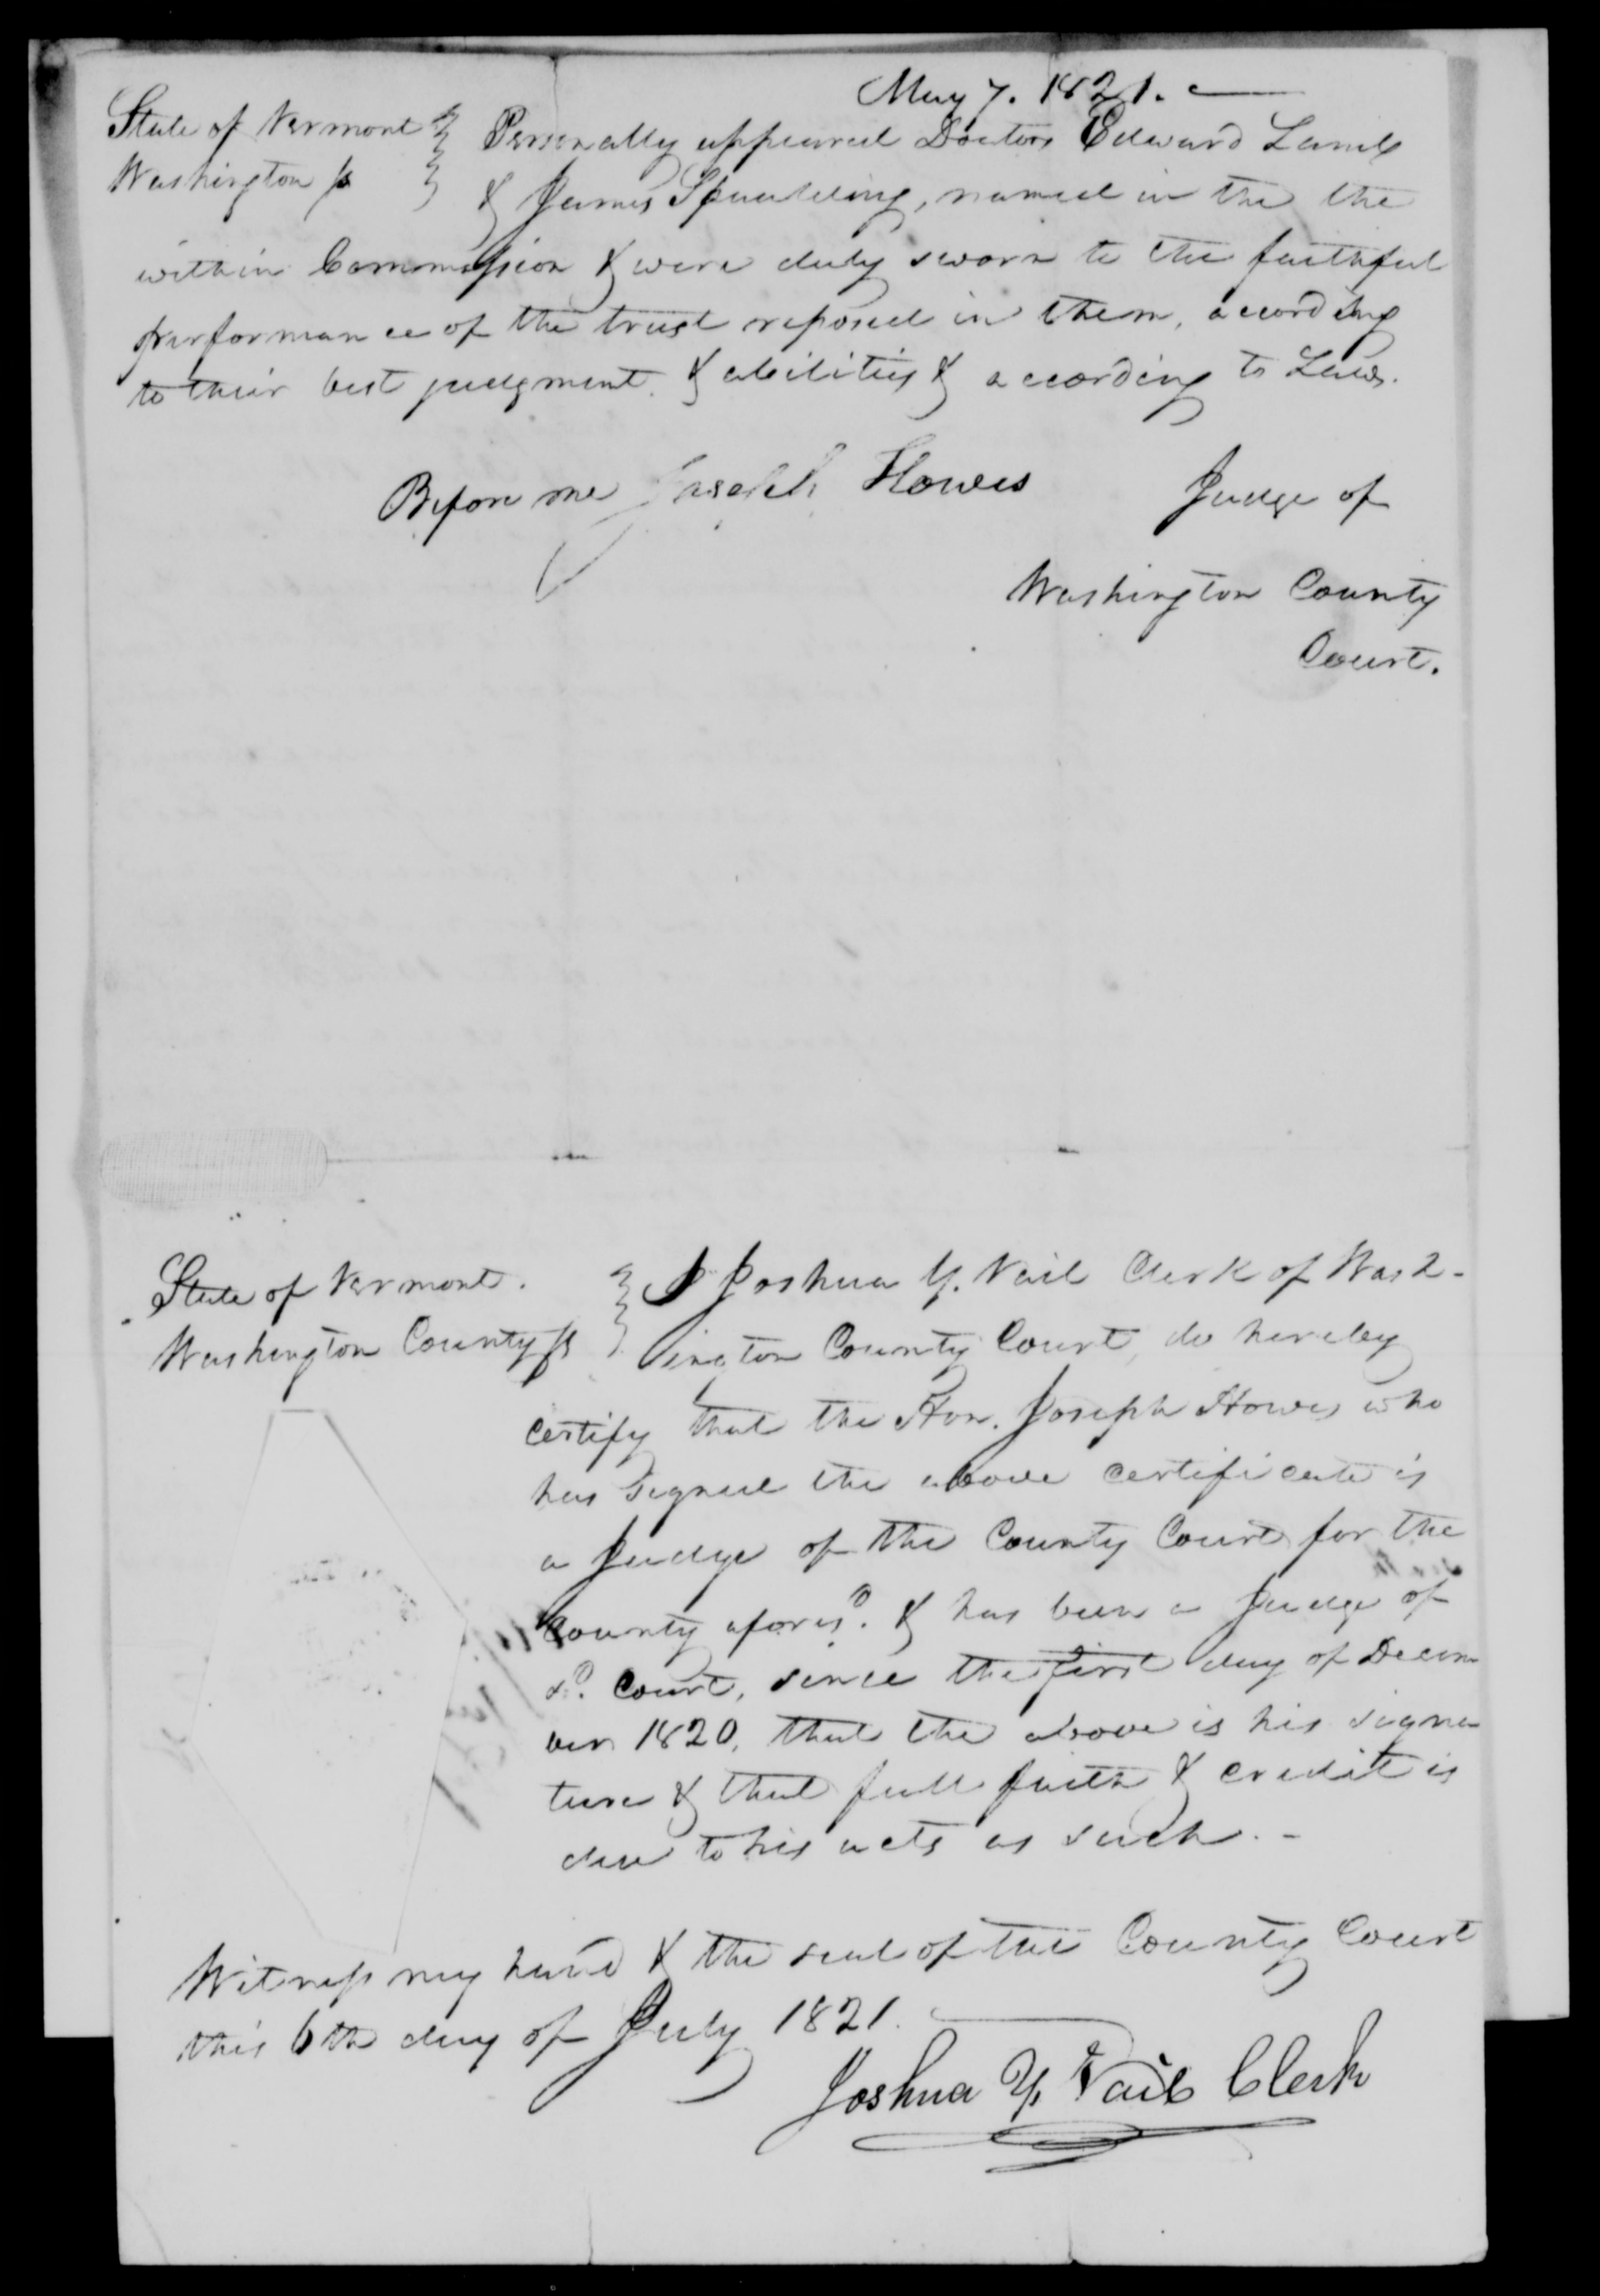May 7 1821
State of Vermont
Washington Ss
Personally appeared Doctors Edward Lamb & James Spaulding named in the within Commission & were duly sworn to the faithful performance of the trust imposed in them according to their best judgement of disability & according to Laws.
Before me Joseph Howes, Judge of 
Washington County Court

State of Vermont
Washington County Ss
I Joshua Y. Vail Clerk of Washington County Court do hereby certify that the Hon. Joseph Howes who has signed the above certificate is a Judge of the County Court for the County aforesaid & has been a Judge of the court since the first day of December 1820. That the above is his signature & that full faith & credit is due to his acts as such.
Witness my hand & the seal of the County Court this 6th day of July 1821
Joshua Y. Vail Clerk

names: Edward Lamb, Joshua Y Nail, Joseph Howes, James Spaulding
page: 69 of 79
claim: survivor's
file: S. 11759, Samuel White, Mass.